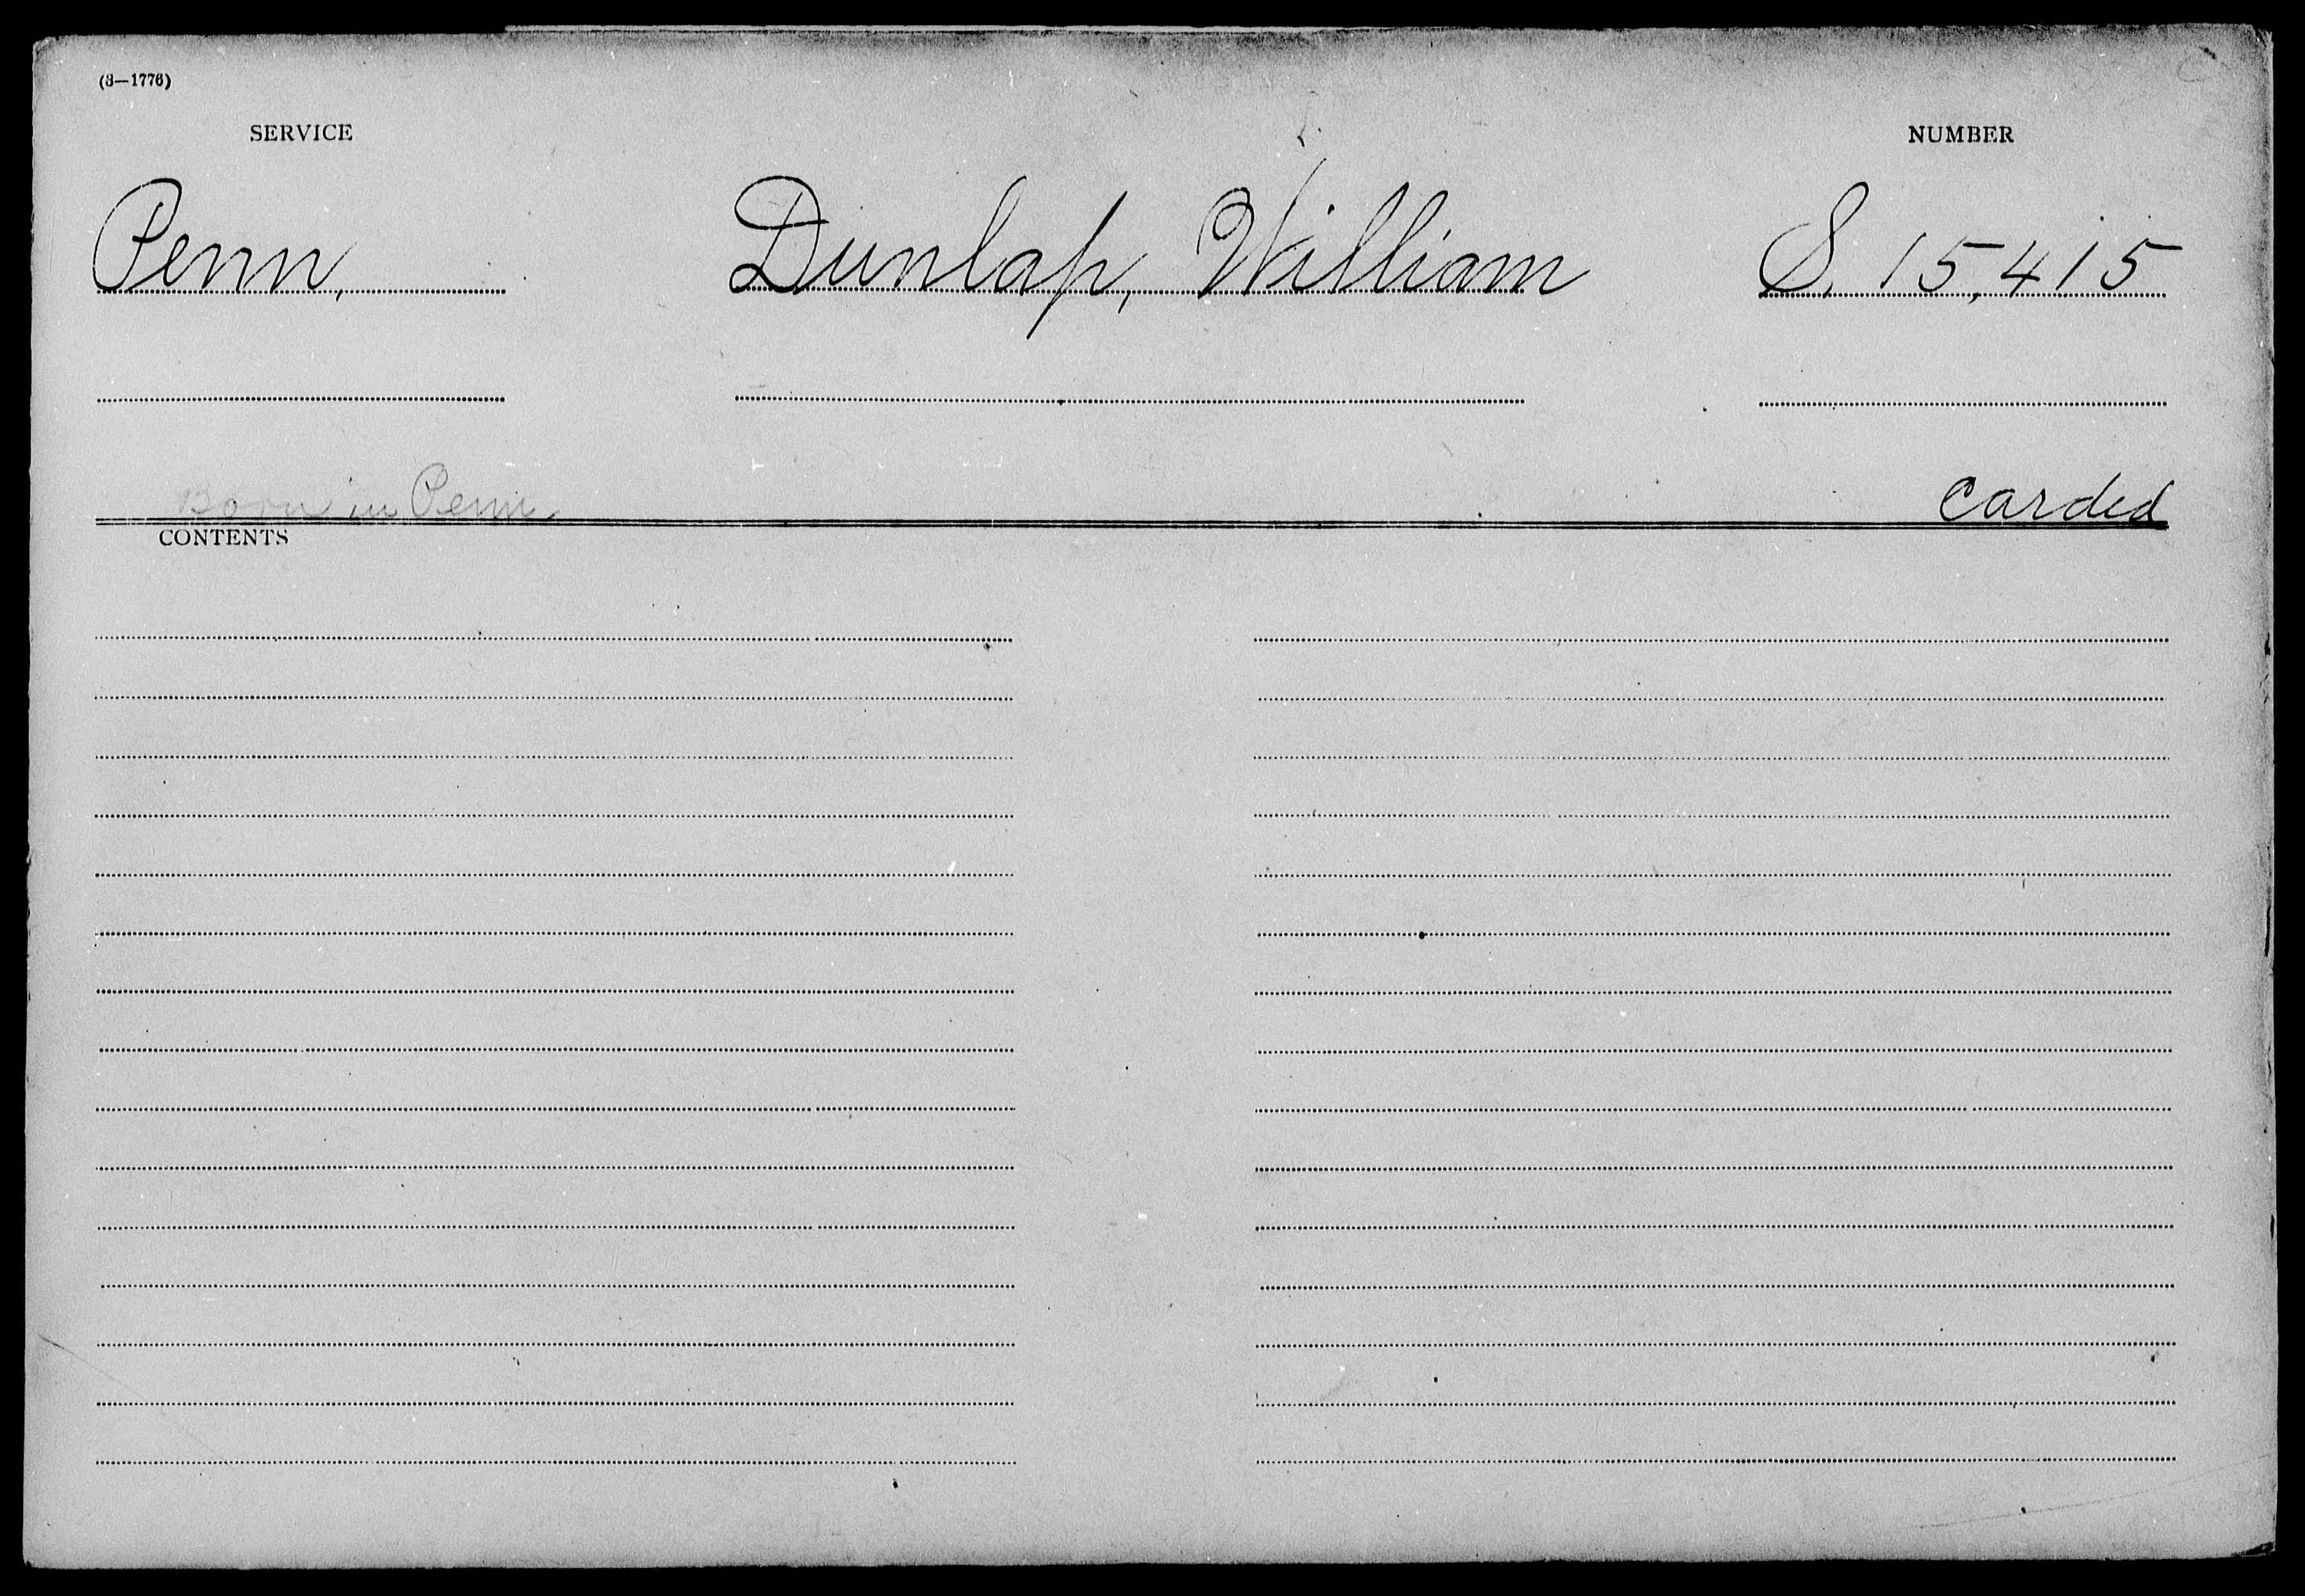(S-1776)

Service
Penn

Dunlap, William

Number
S.15,415

Born in Penn

carded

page: 1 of 24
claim: survivor's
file: S. 15,415, William Dunlap, Penn.